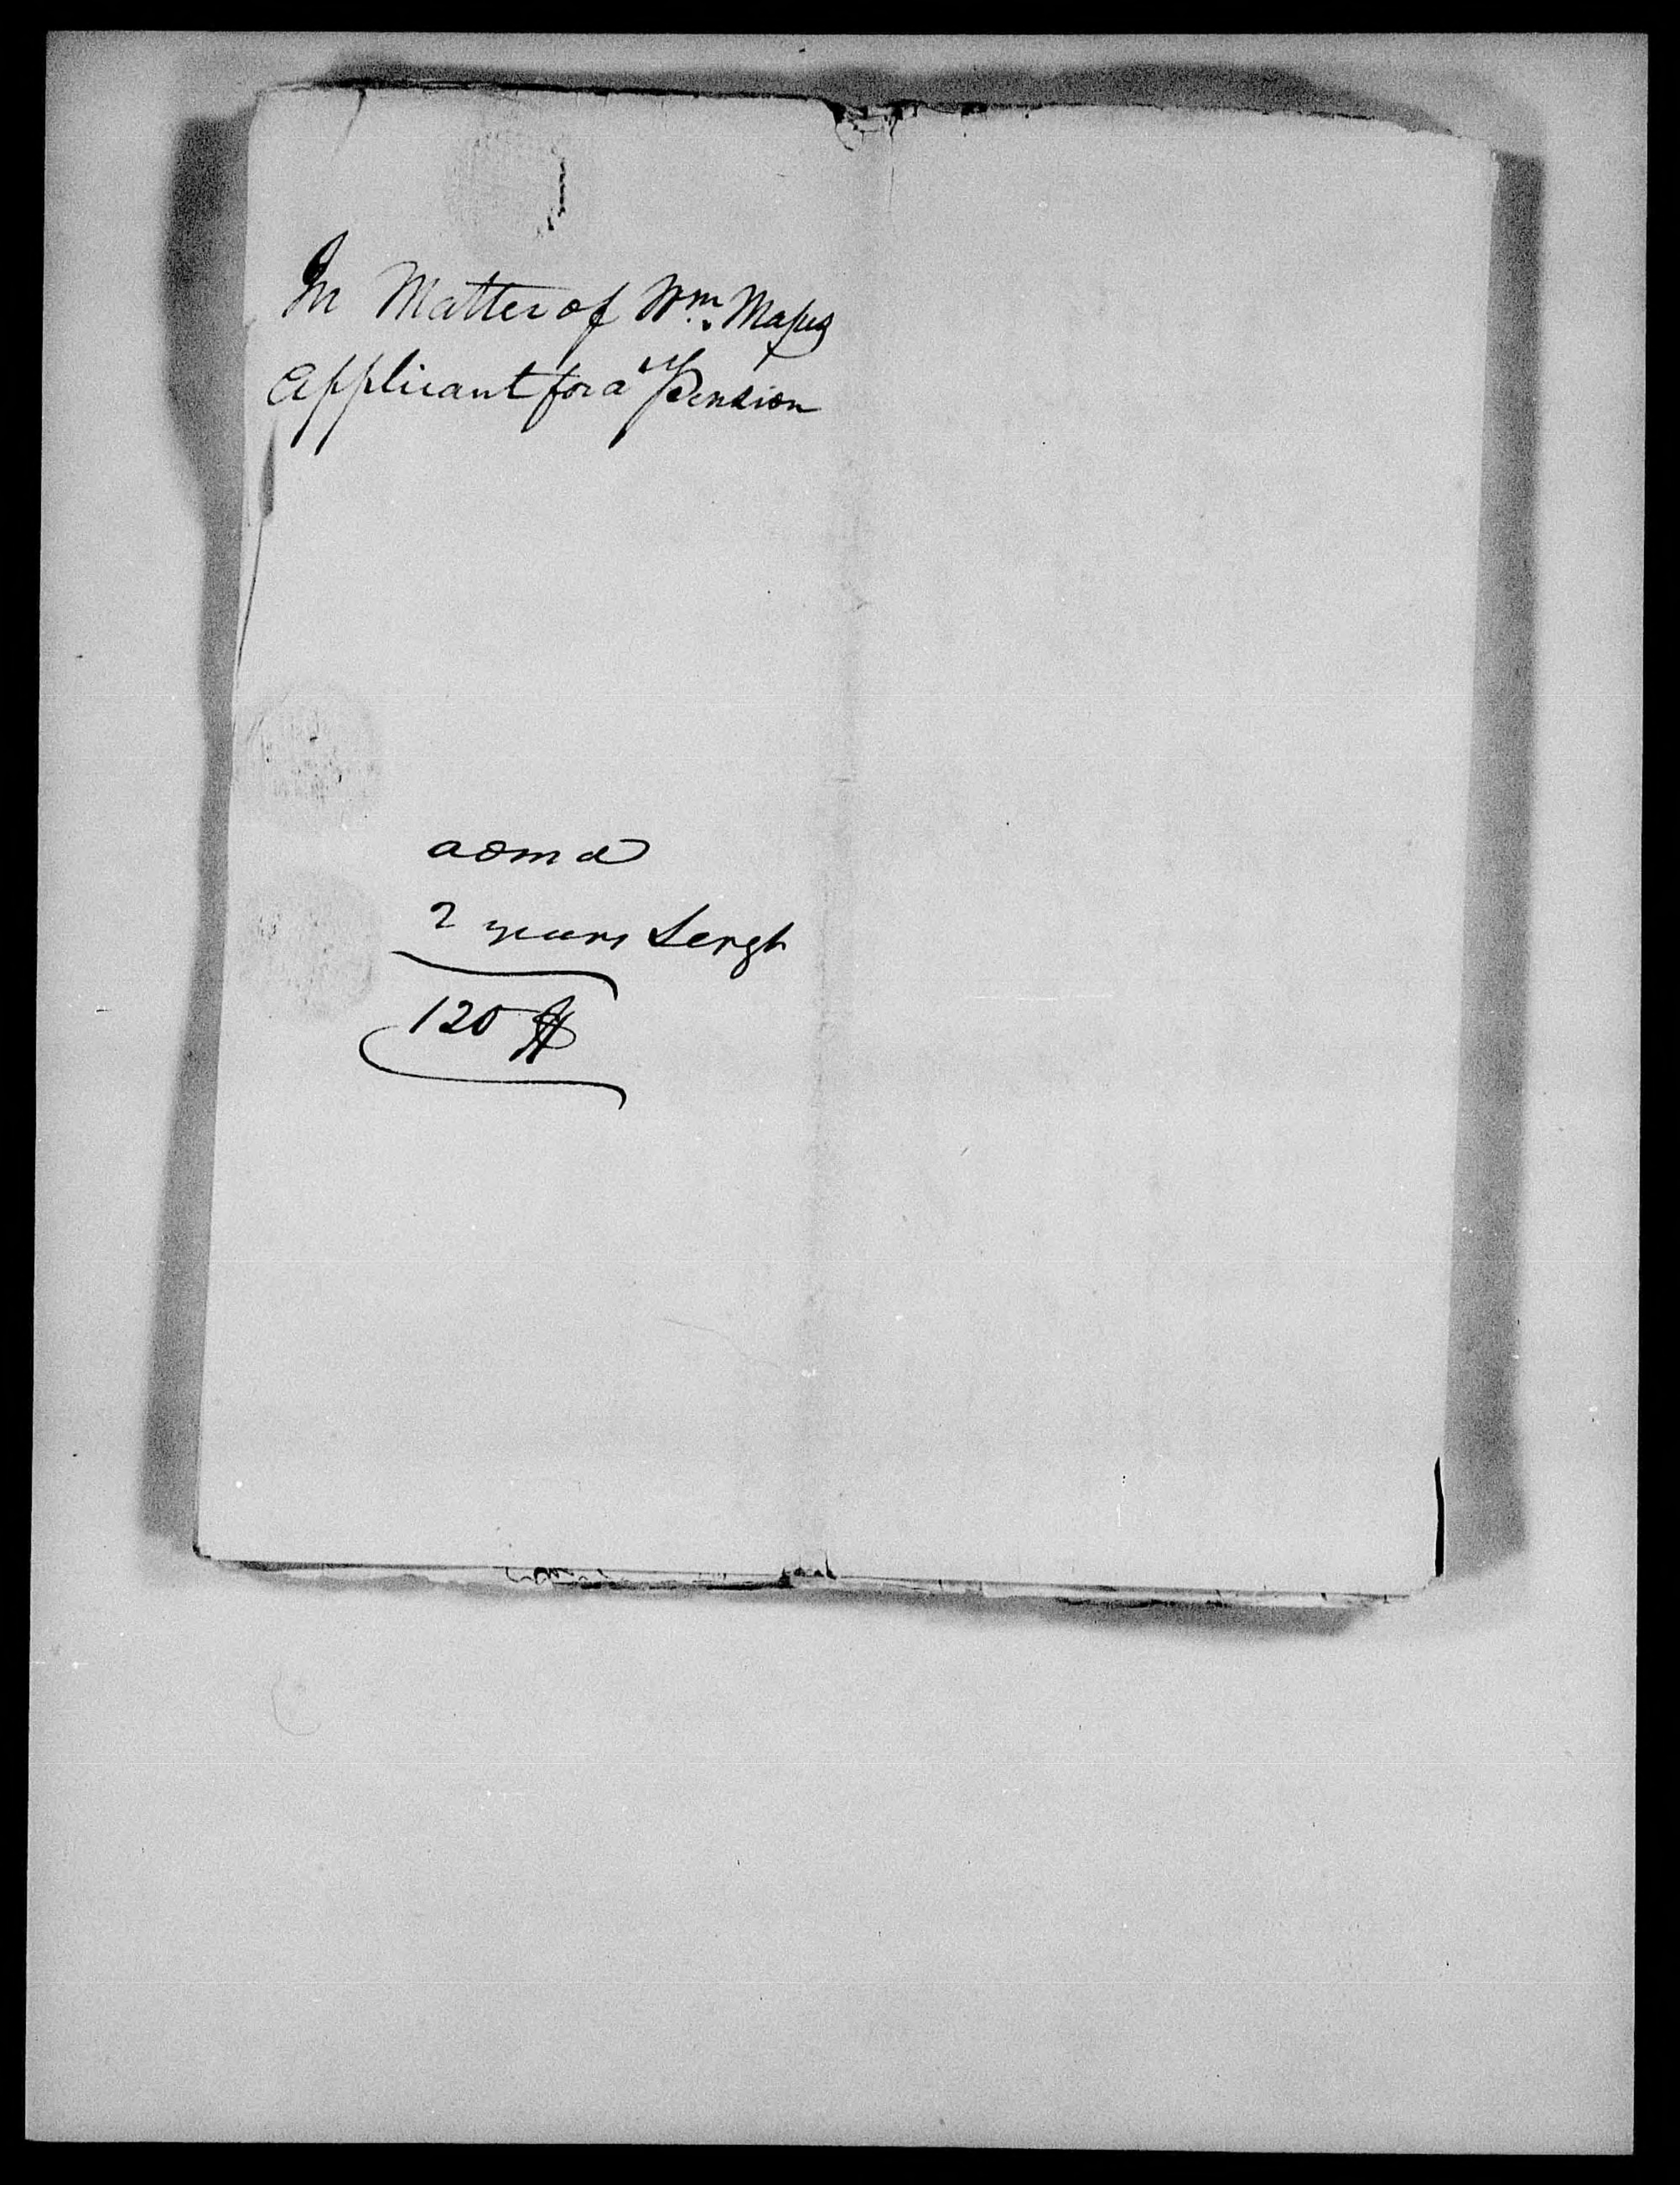In Matter of Wm Mapes 

Applicant for a pension 


Admd
2 years Sergt

120$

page: 5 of 30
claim: survivor's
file: S. 13,873, for William Mapes, New York